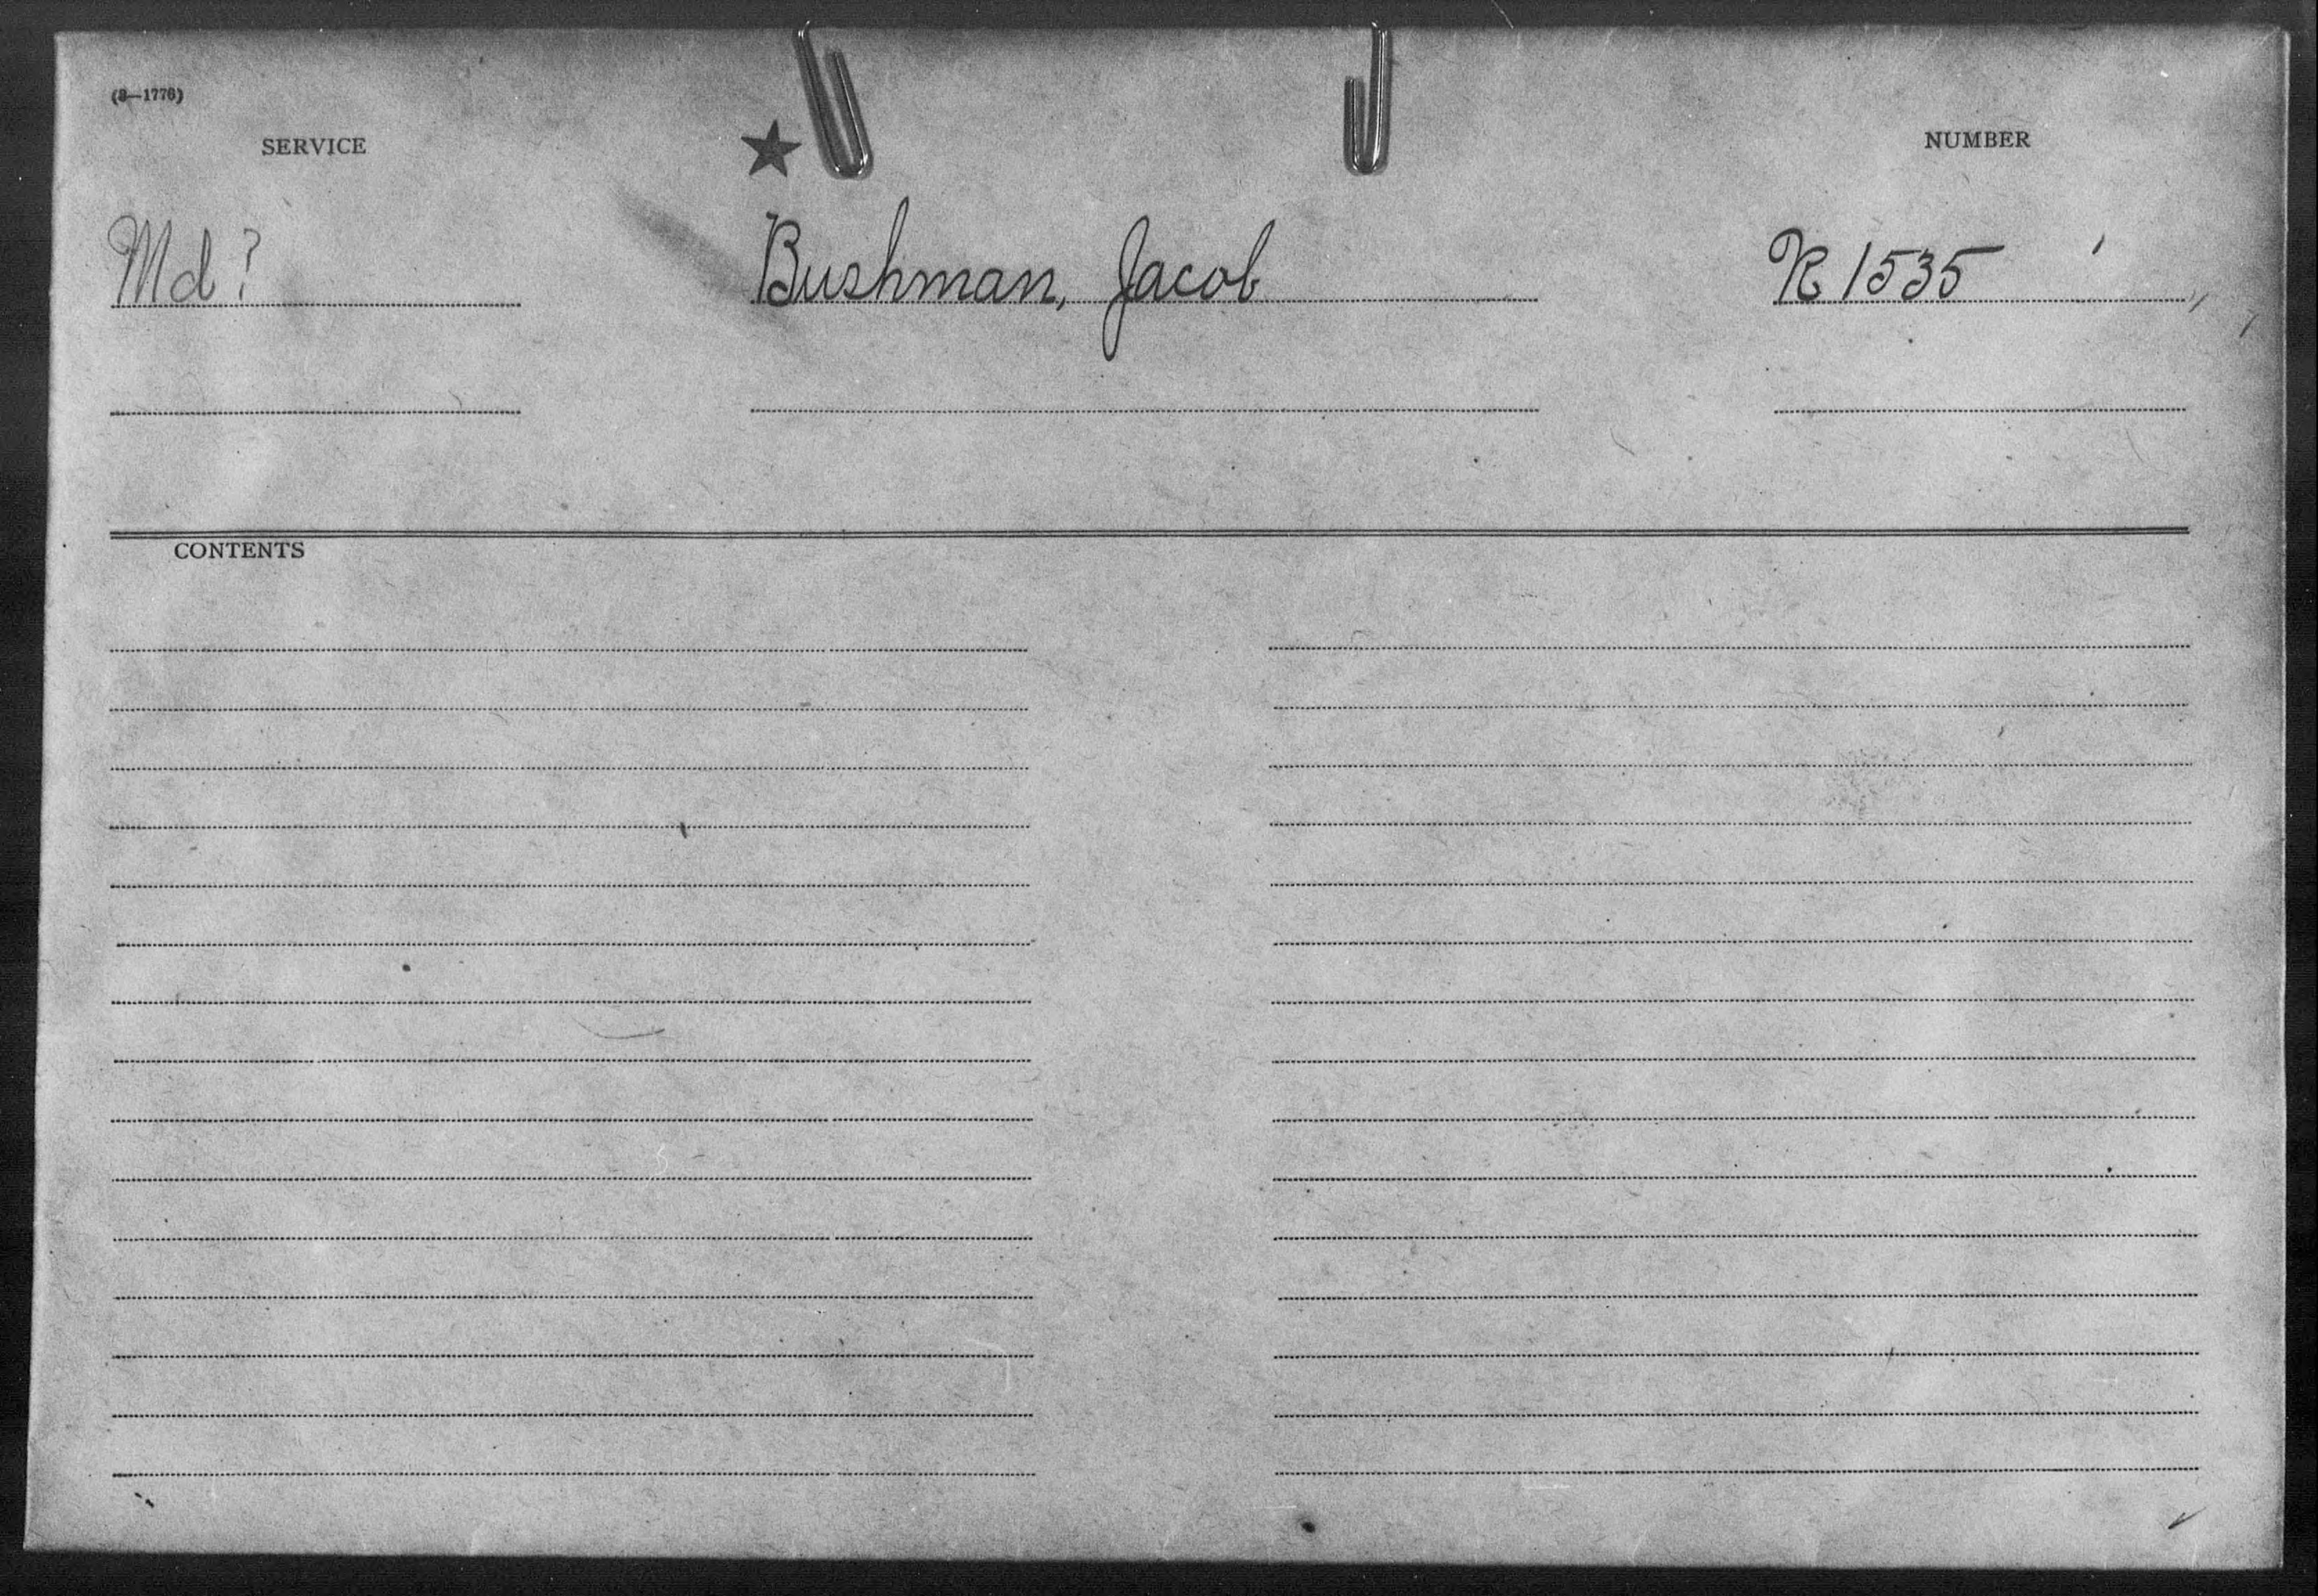SERVICE           [DARK STAR]                        NUMBER
Md?                  Bushman, Jacob                  R1535 
CONTENTS
[service, name and number handwritten, remainder printed on card]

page: 1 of 8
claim: rejected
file: R. 1535, Jacob Bushman, Md